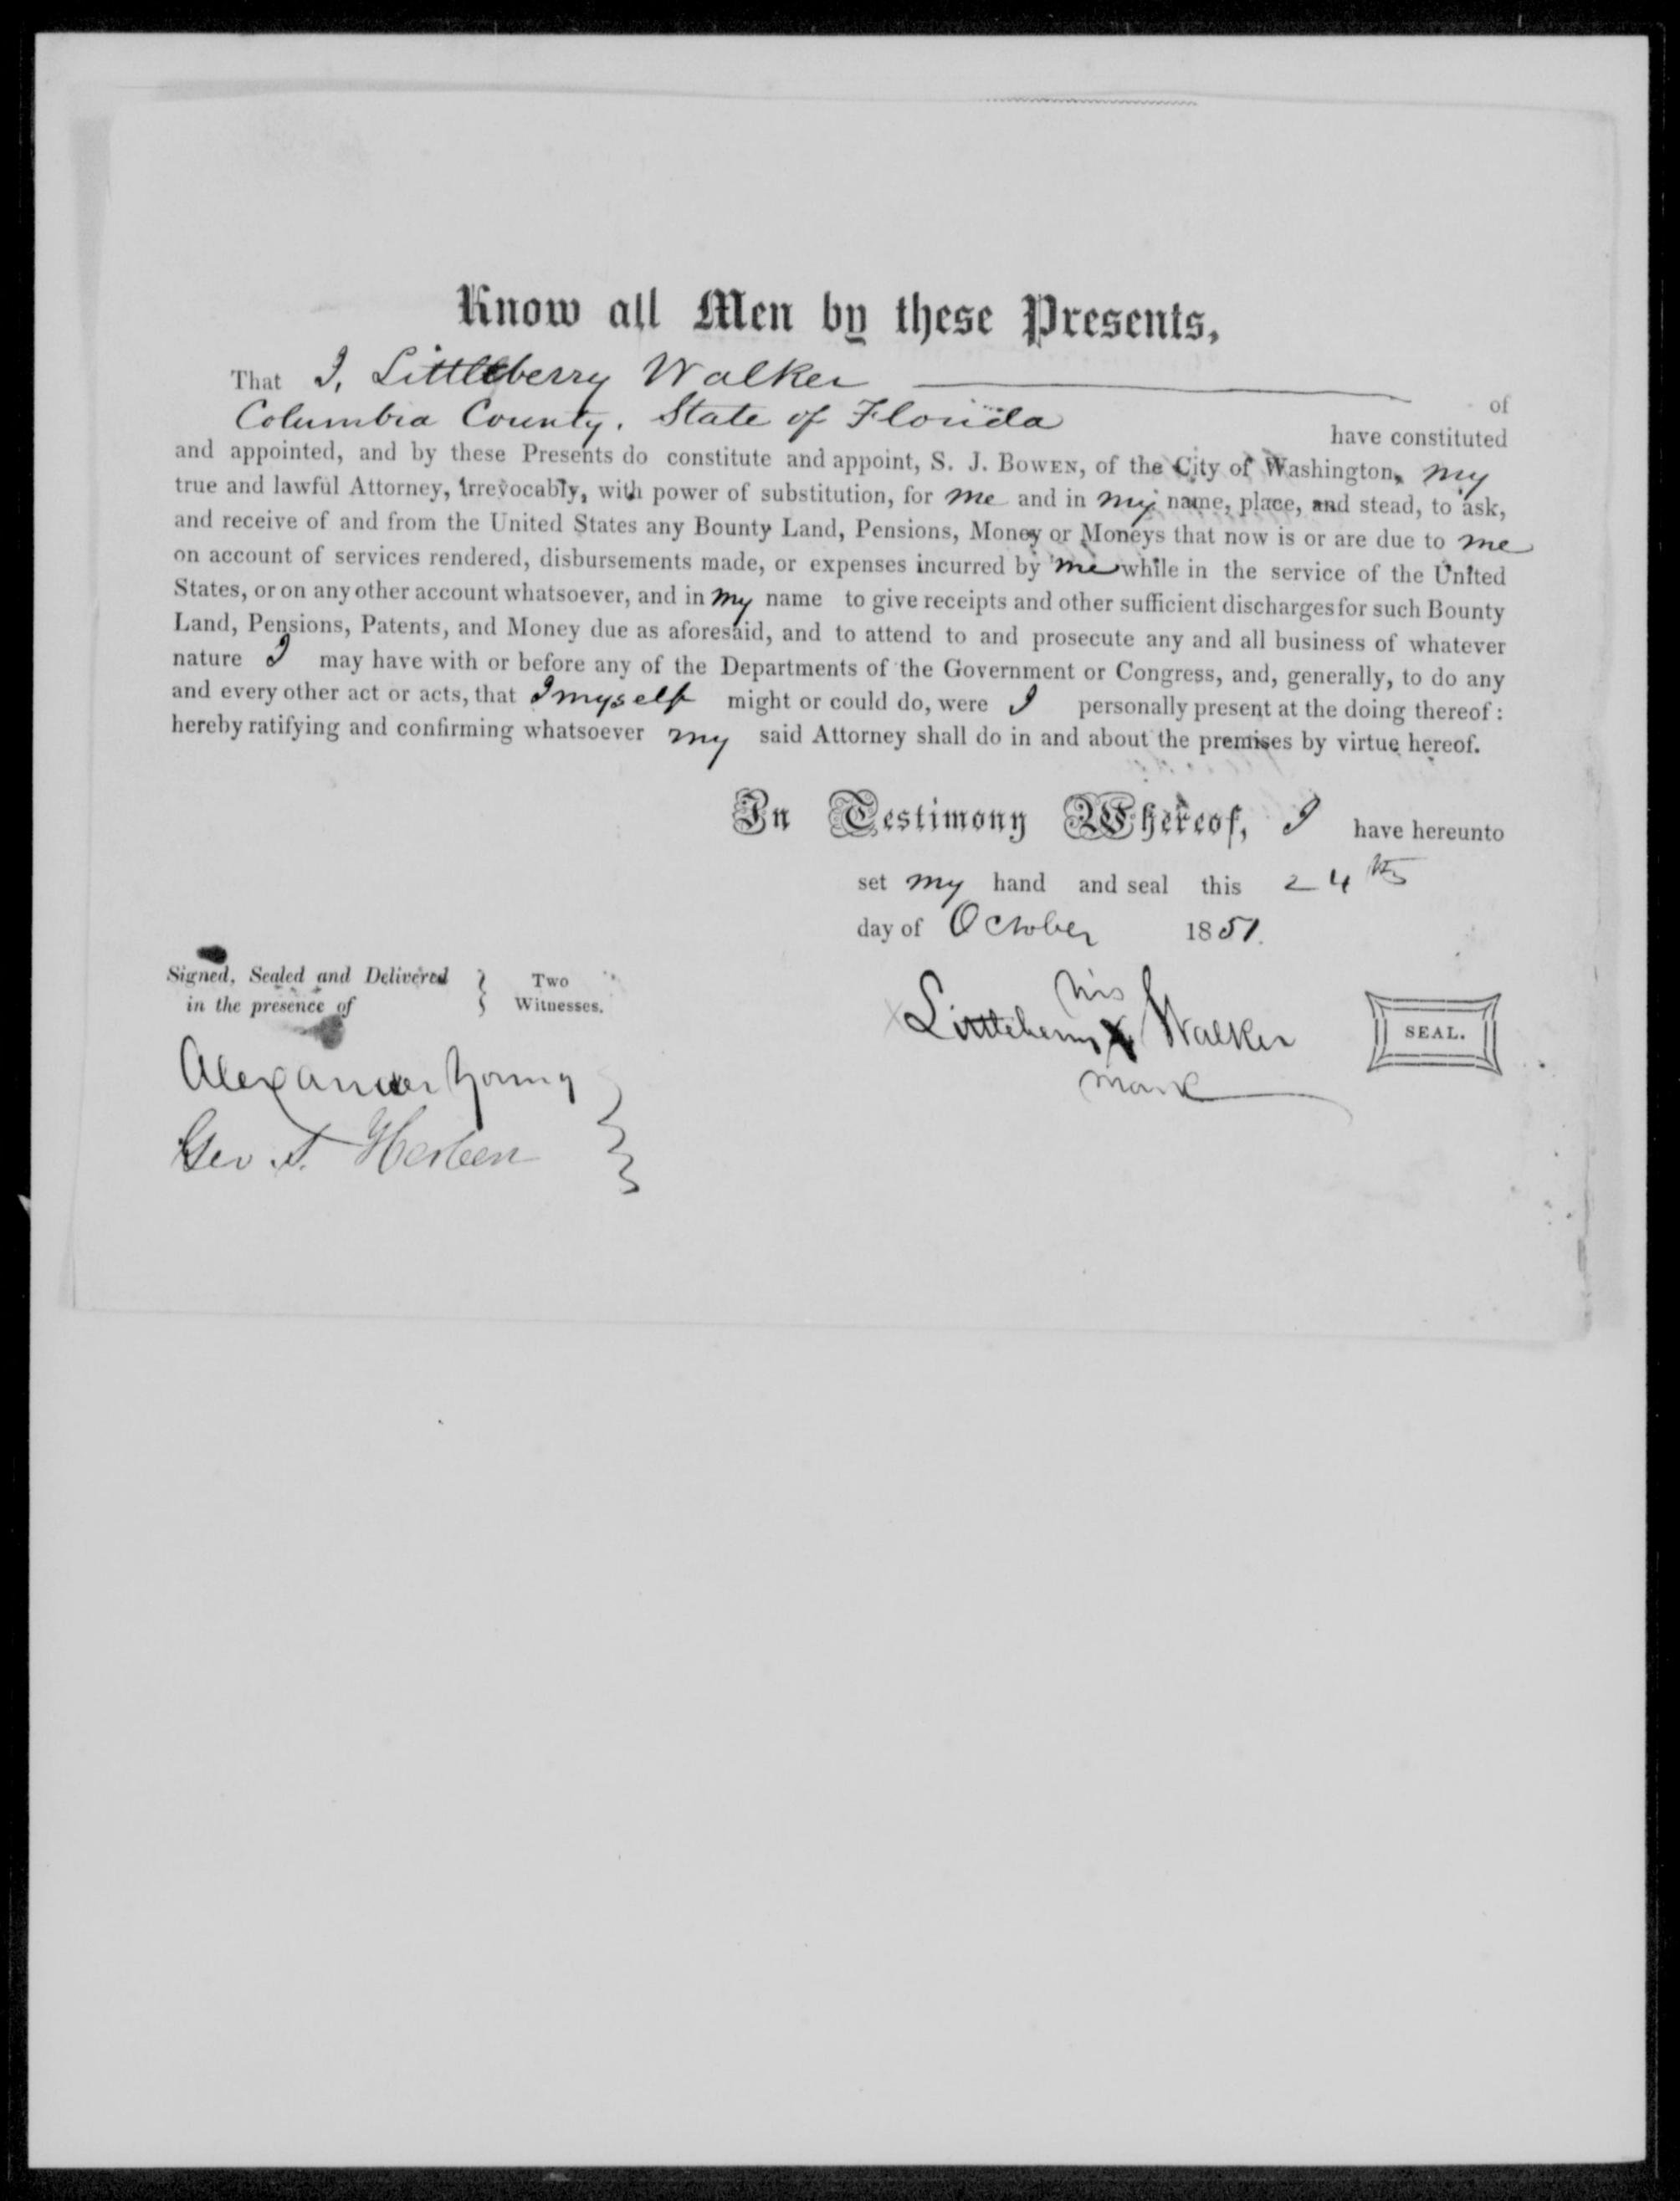Known all Men by these Presents,
That, I, Littleberry Walker-----, of Columbia County, State of Florida have constituted and appointed, and by these Presents do constitute and appoint, S.J. Bowen, of the City of Washington, my true and lawful Attorney, irrevocably, with power of substitution, for me and in my name, place, and stead to ask, and receive of and from the United States any Bounty Land, Pensions, Money or Moneys that now is or are due to me on account of services redered, disbursements made, or expenses incurred by me while in the service of the United States, or on any other account whatsoever, and in my name to give receipts and other sufficient discharges for such Bounty Land, Pensions, Patents, and Money due as asforesaid, and to attend to and prosecute any and all business of whatever nature I mah have with or before any of the Departments of the Government or Congress, and, generally, to do any and every other act or acts, that I myself might or could do, were I personally present at the doing thereof: hereby ratifying and confirming whatsoever my said Attorney shall do in and bout the premises by virtue hereof.
In Testimony Whereof, I have hereunto
set my hand and seal this 24th
day of October 1857.
Littleberry Walker 
"X" "Mark"
STAMP:  "SEAL"
Signed, Sealed and Delivered in the presence of
Two Witnesses
Alexander Young
Geo. S. Henteen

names: Alexander Young, Littleberry Walker, Geo S Herber, Littleberry Walker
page: 8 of 15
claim: rejected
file: R. 11045, Littleberry Walker, Ga.